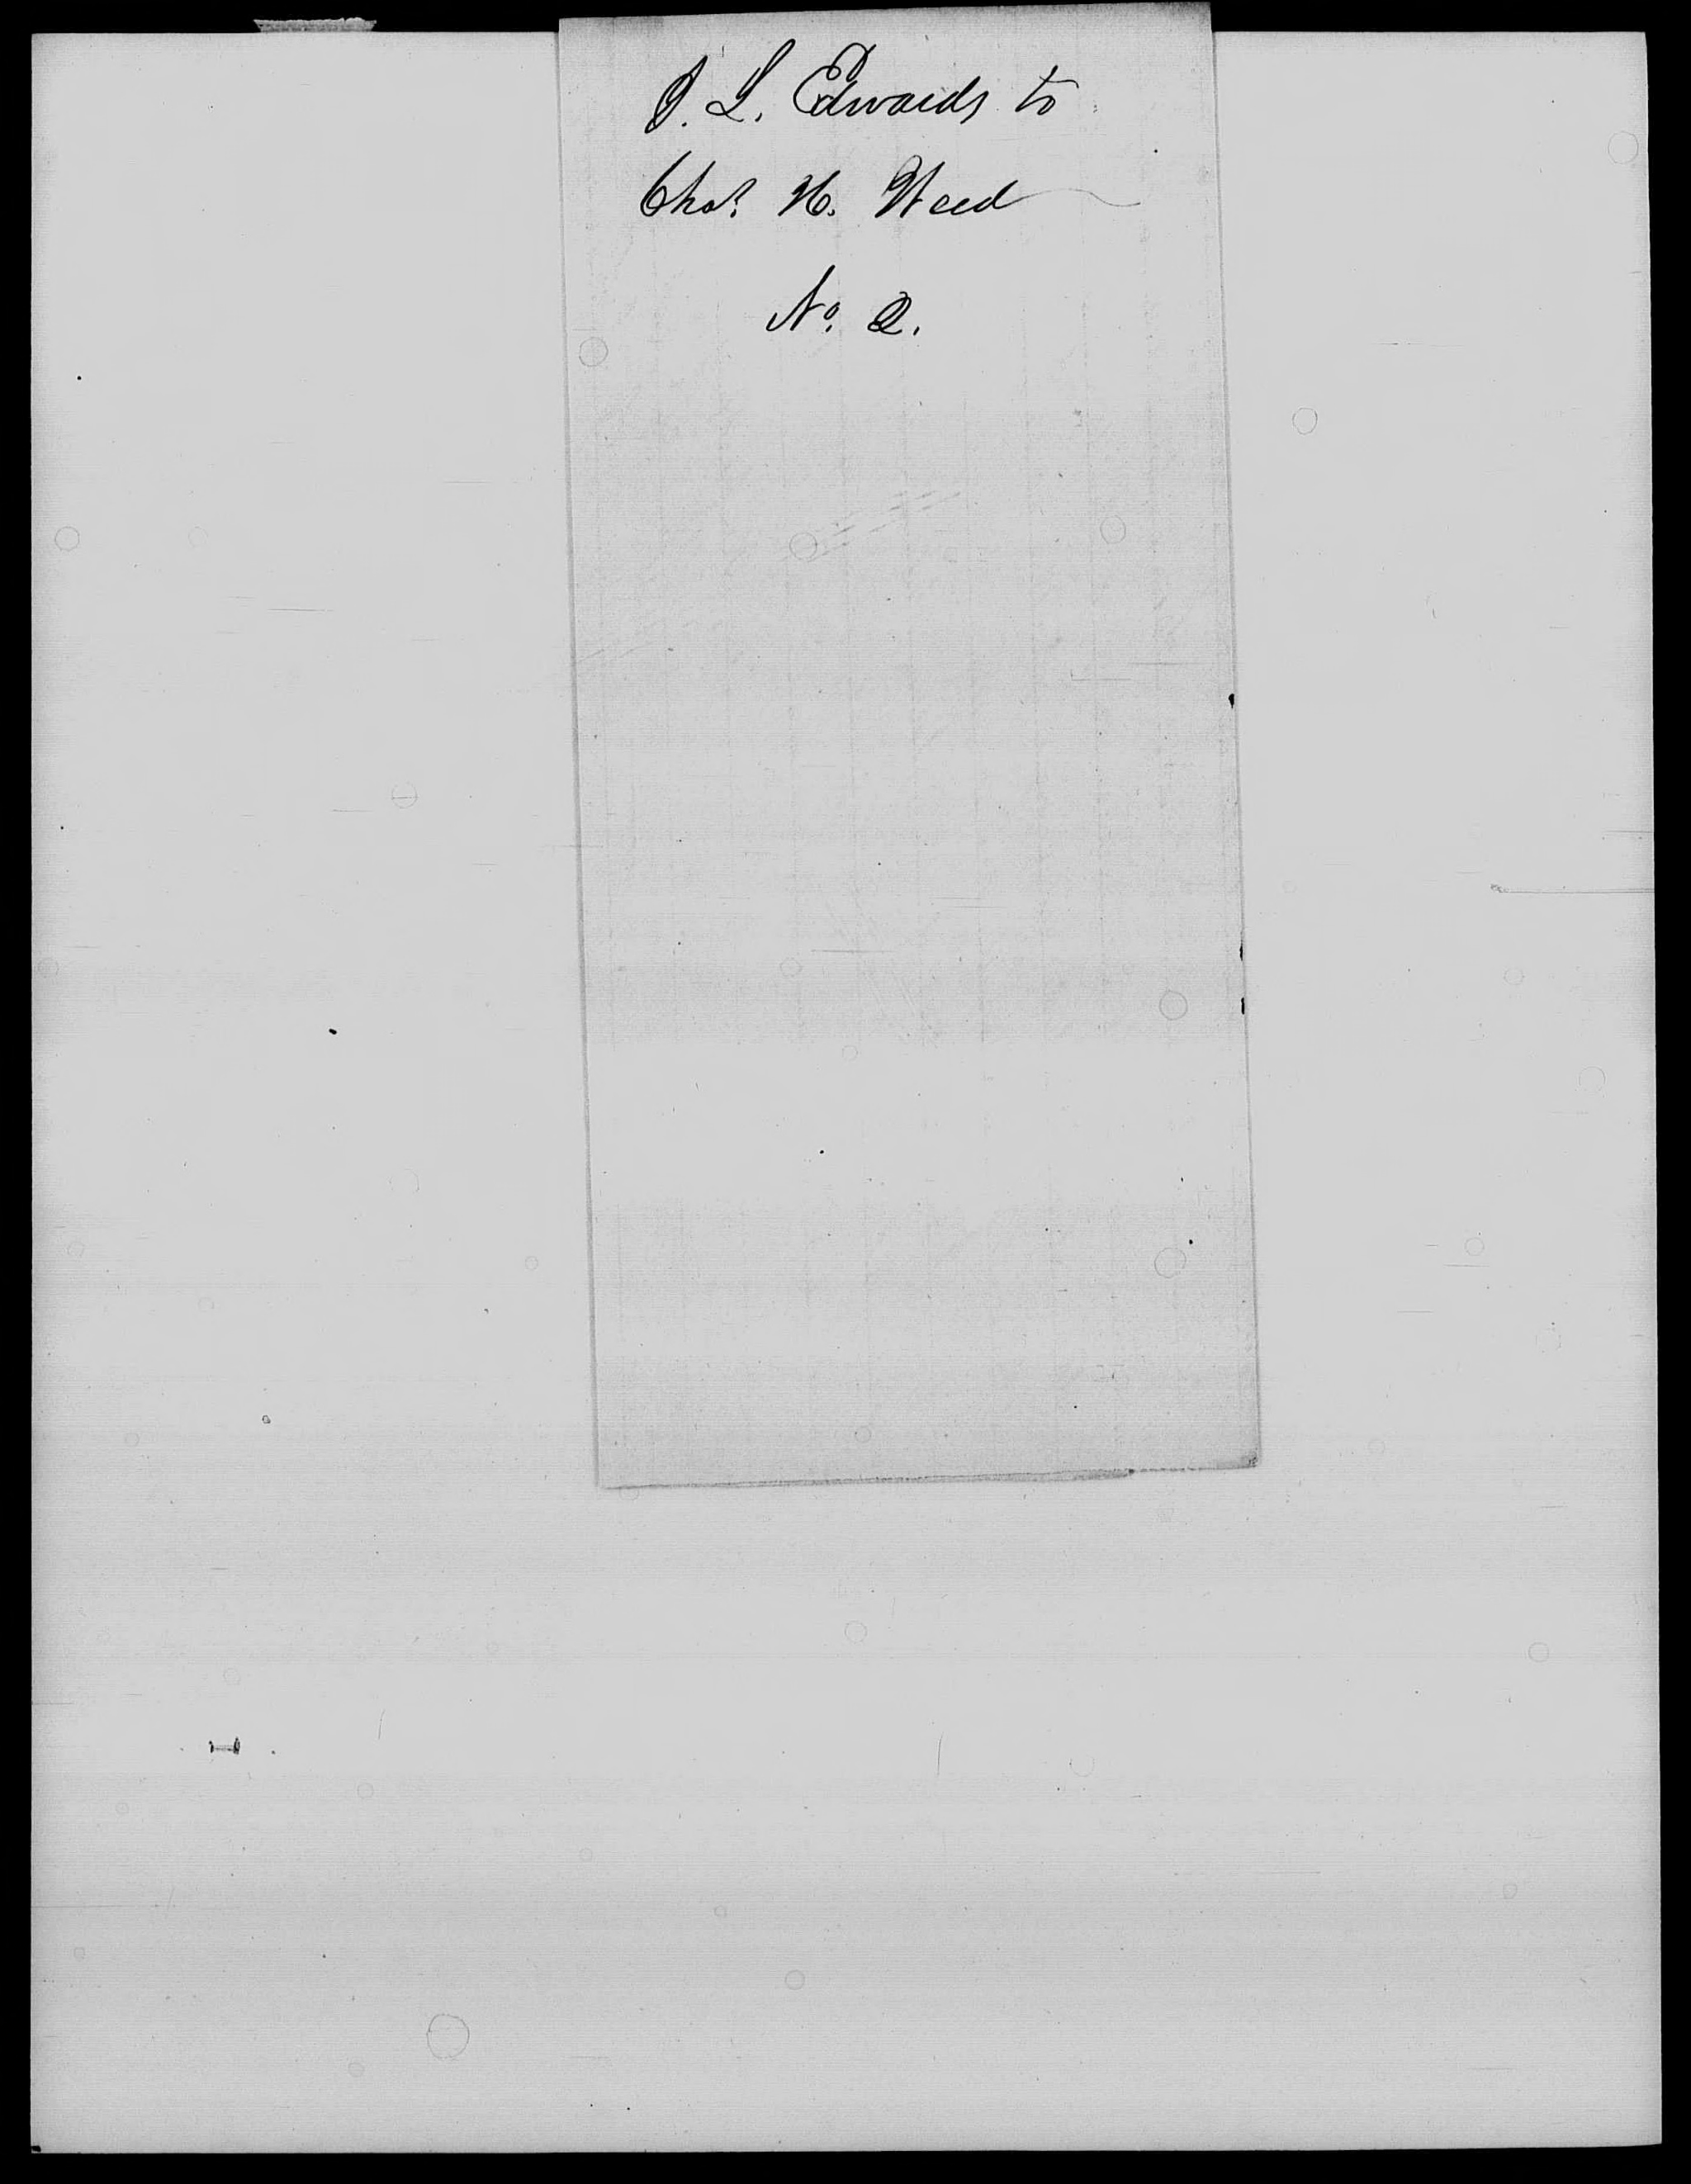J. L. Edwards to
Chas H. Weed
No. 2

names: J L Edwards; Chas H Weed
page: 68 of 99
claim: widow's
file: W. 24,482, for Richard Lattin, Vermont